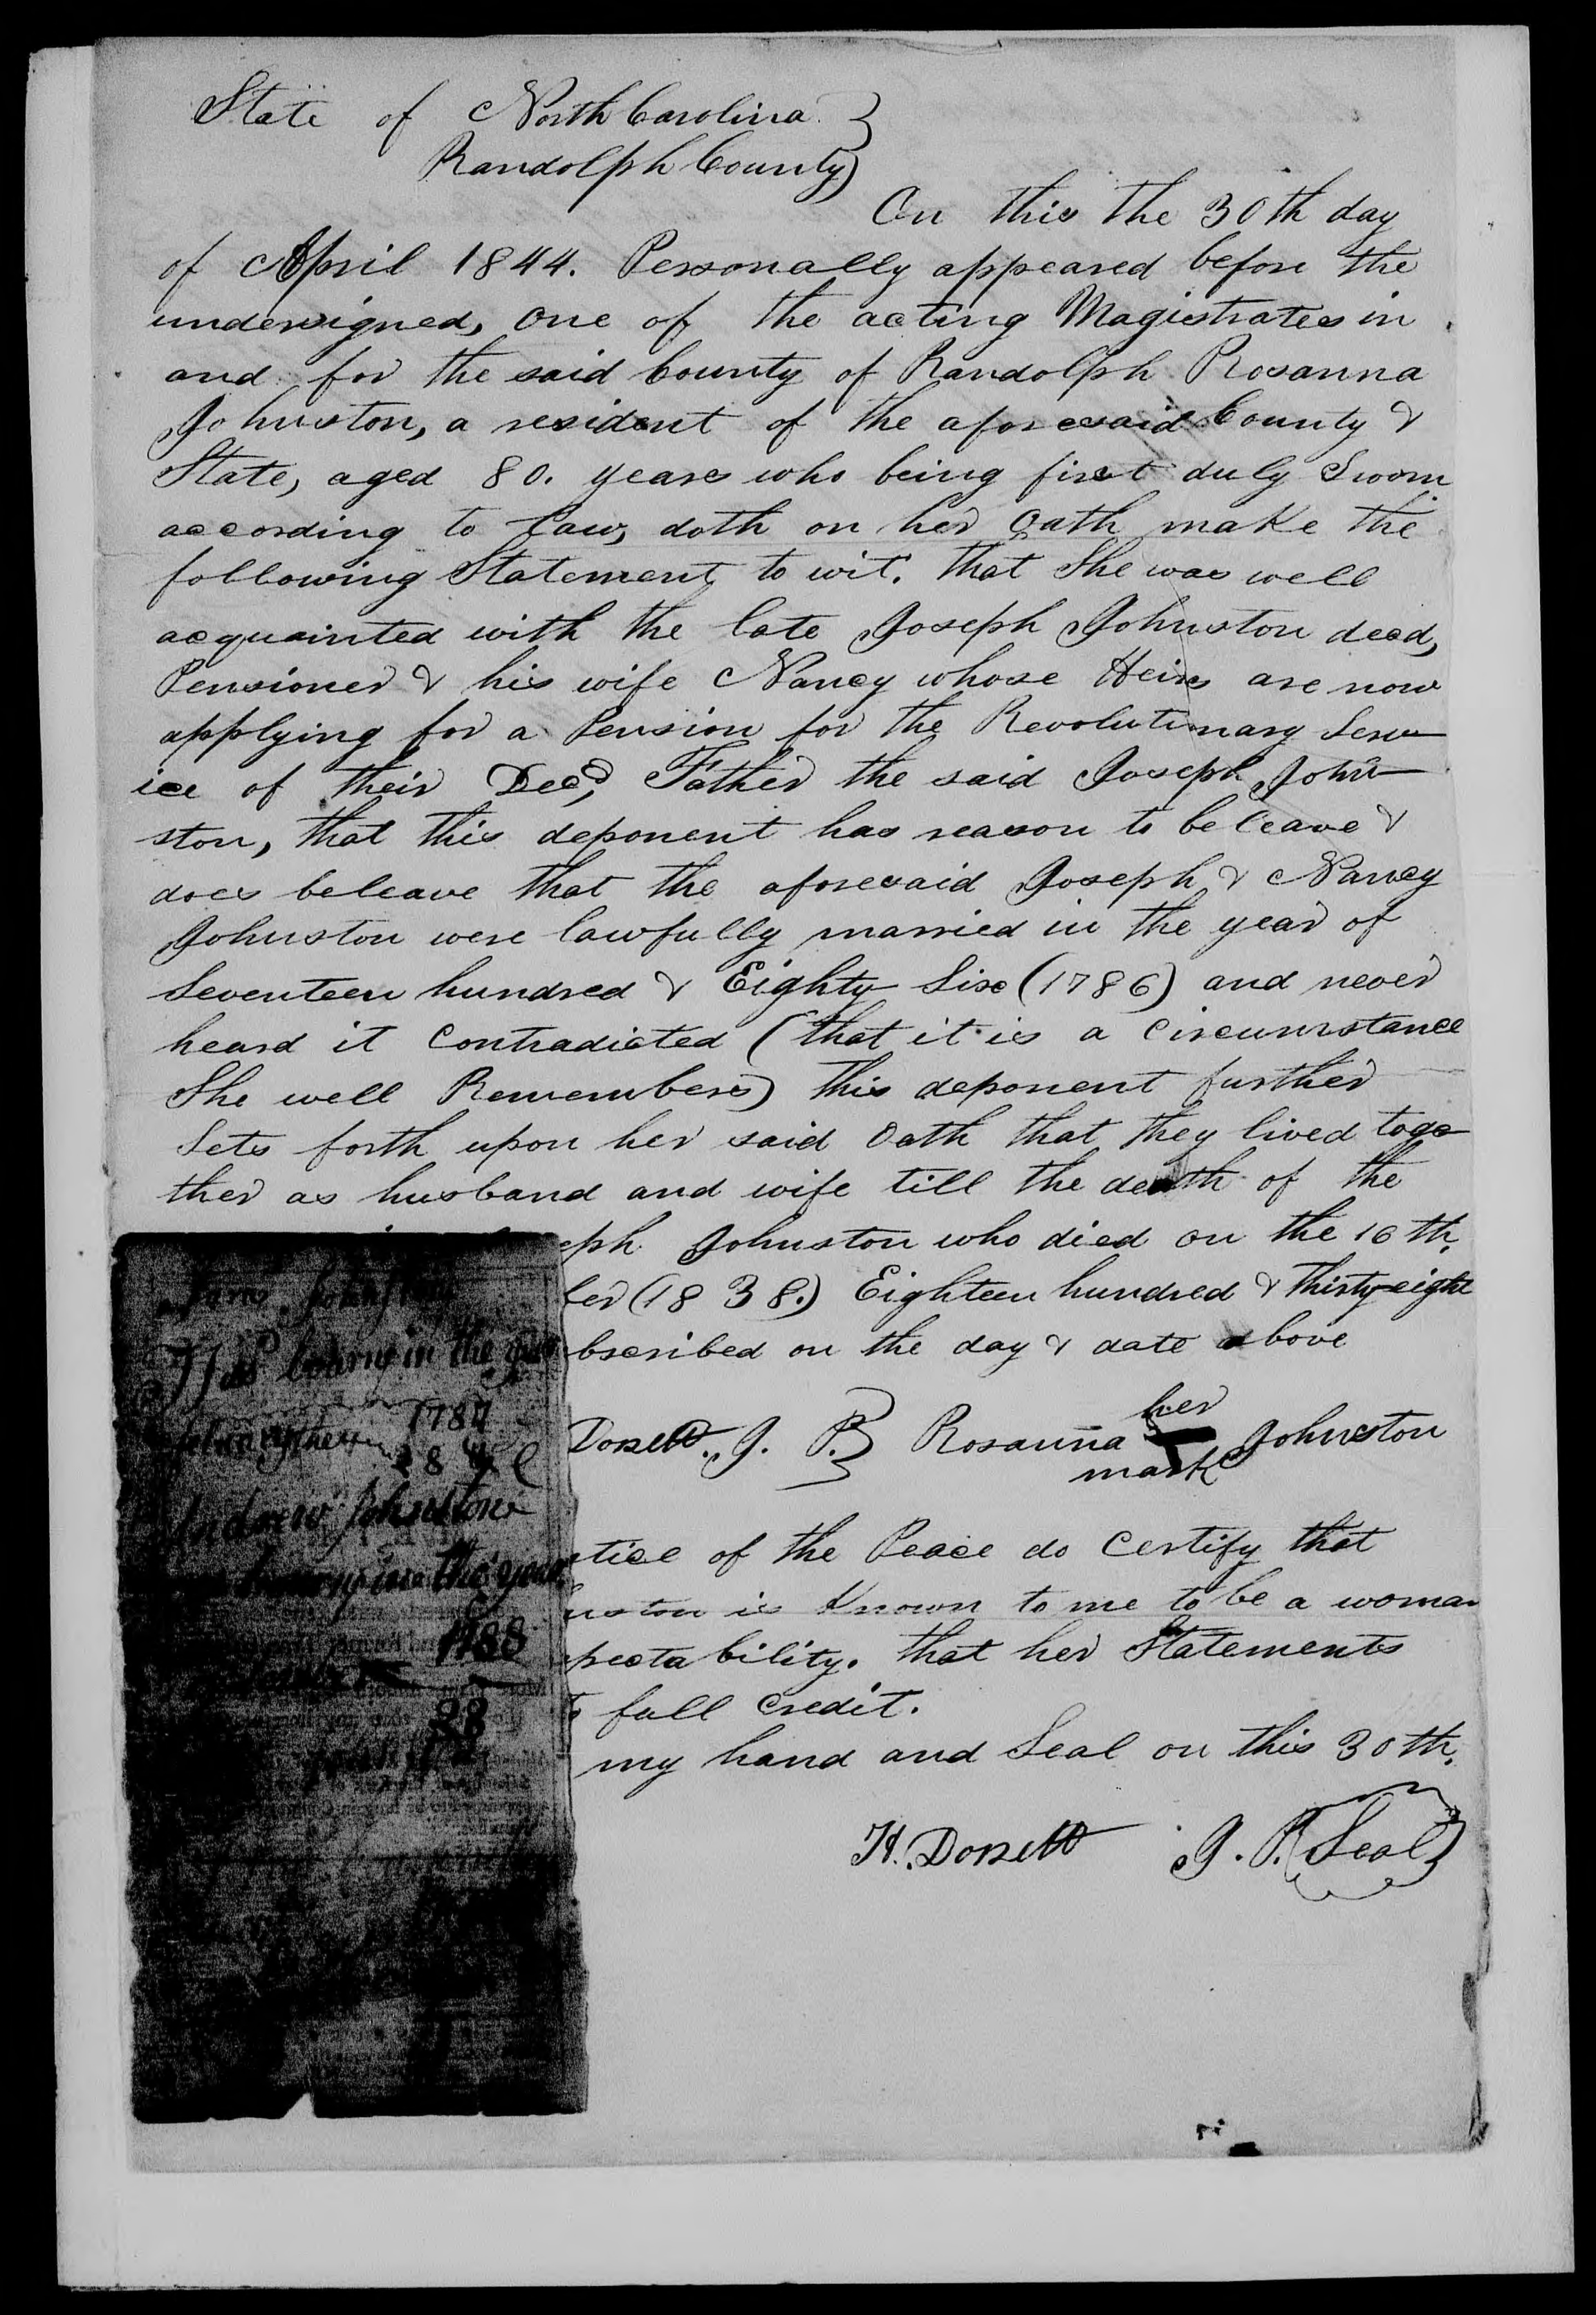State of North Carolina} 
Randolph County} 
On this the 30th day of April 1844. Personally appeared before the undersigned, one of the acting Magistrates in and for the said County of Randolph Rosanna Johnston, a resident of the aforesaid County & State, aged 80 years who being first duly sworn according to law, doth on her oath make the following statement to wit: That she was well acquainted with the late Joseph Johnston decd [deceased], Pensioner & his wife Nancy whose Heirs are now applying for a Pension for the Revolutionary service of their Decd [deceased] Father the said Joseph Johnston, that this deponent has reason to beleave [believe] & does believe that the aforesaid Joseph & Nancy Johnston were lawfully married in the year of Seventeen hundred & Eighty Six (1786) and never heard it contradicted (that it is a circumstance She well remembers) this deponent further sets forth upon her said oath that they lived together as husband and wife till the death of the Joseph Johnston who died on the 16th [cut off] (1838.) Eighteen hundred & thirty-eight Subscribed on the day & date above [cut off]
Rosanna [her X mark] Johnston
[cut off] Dorsett J. P} 

[cut off] Justice of the Peace do certify that [cut off] is known to me to be a woman of respectability, that her statements [cut off] full credit. 
{Given under] my hand and Seal on this 30th 
H. Dorsett J. P. {Seal}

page: 17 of 41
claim: widow's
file: W. 5033, for Joseph Johnston, North Carolina